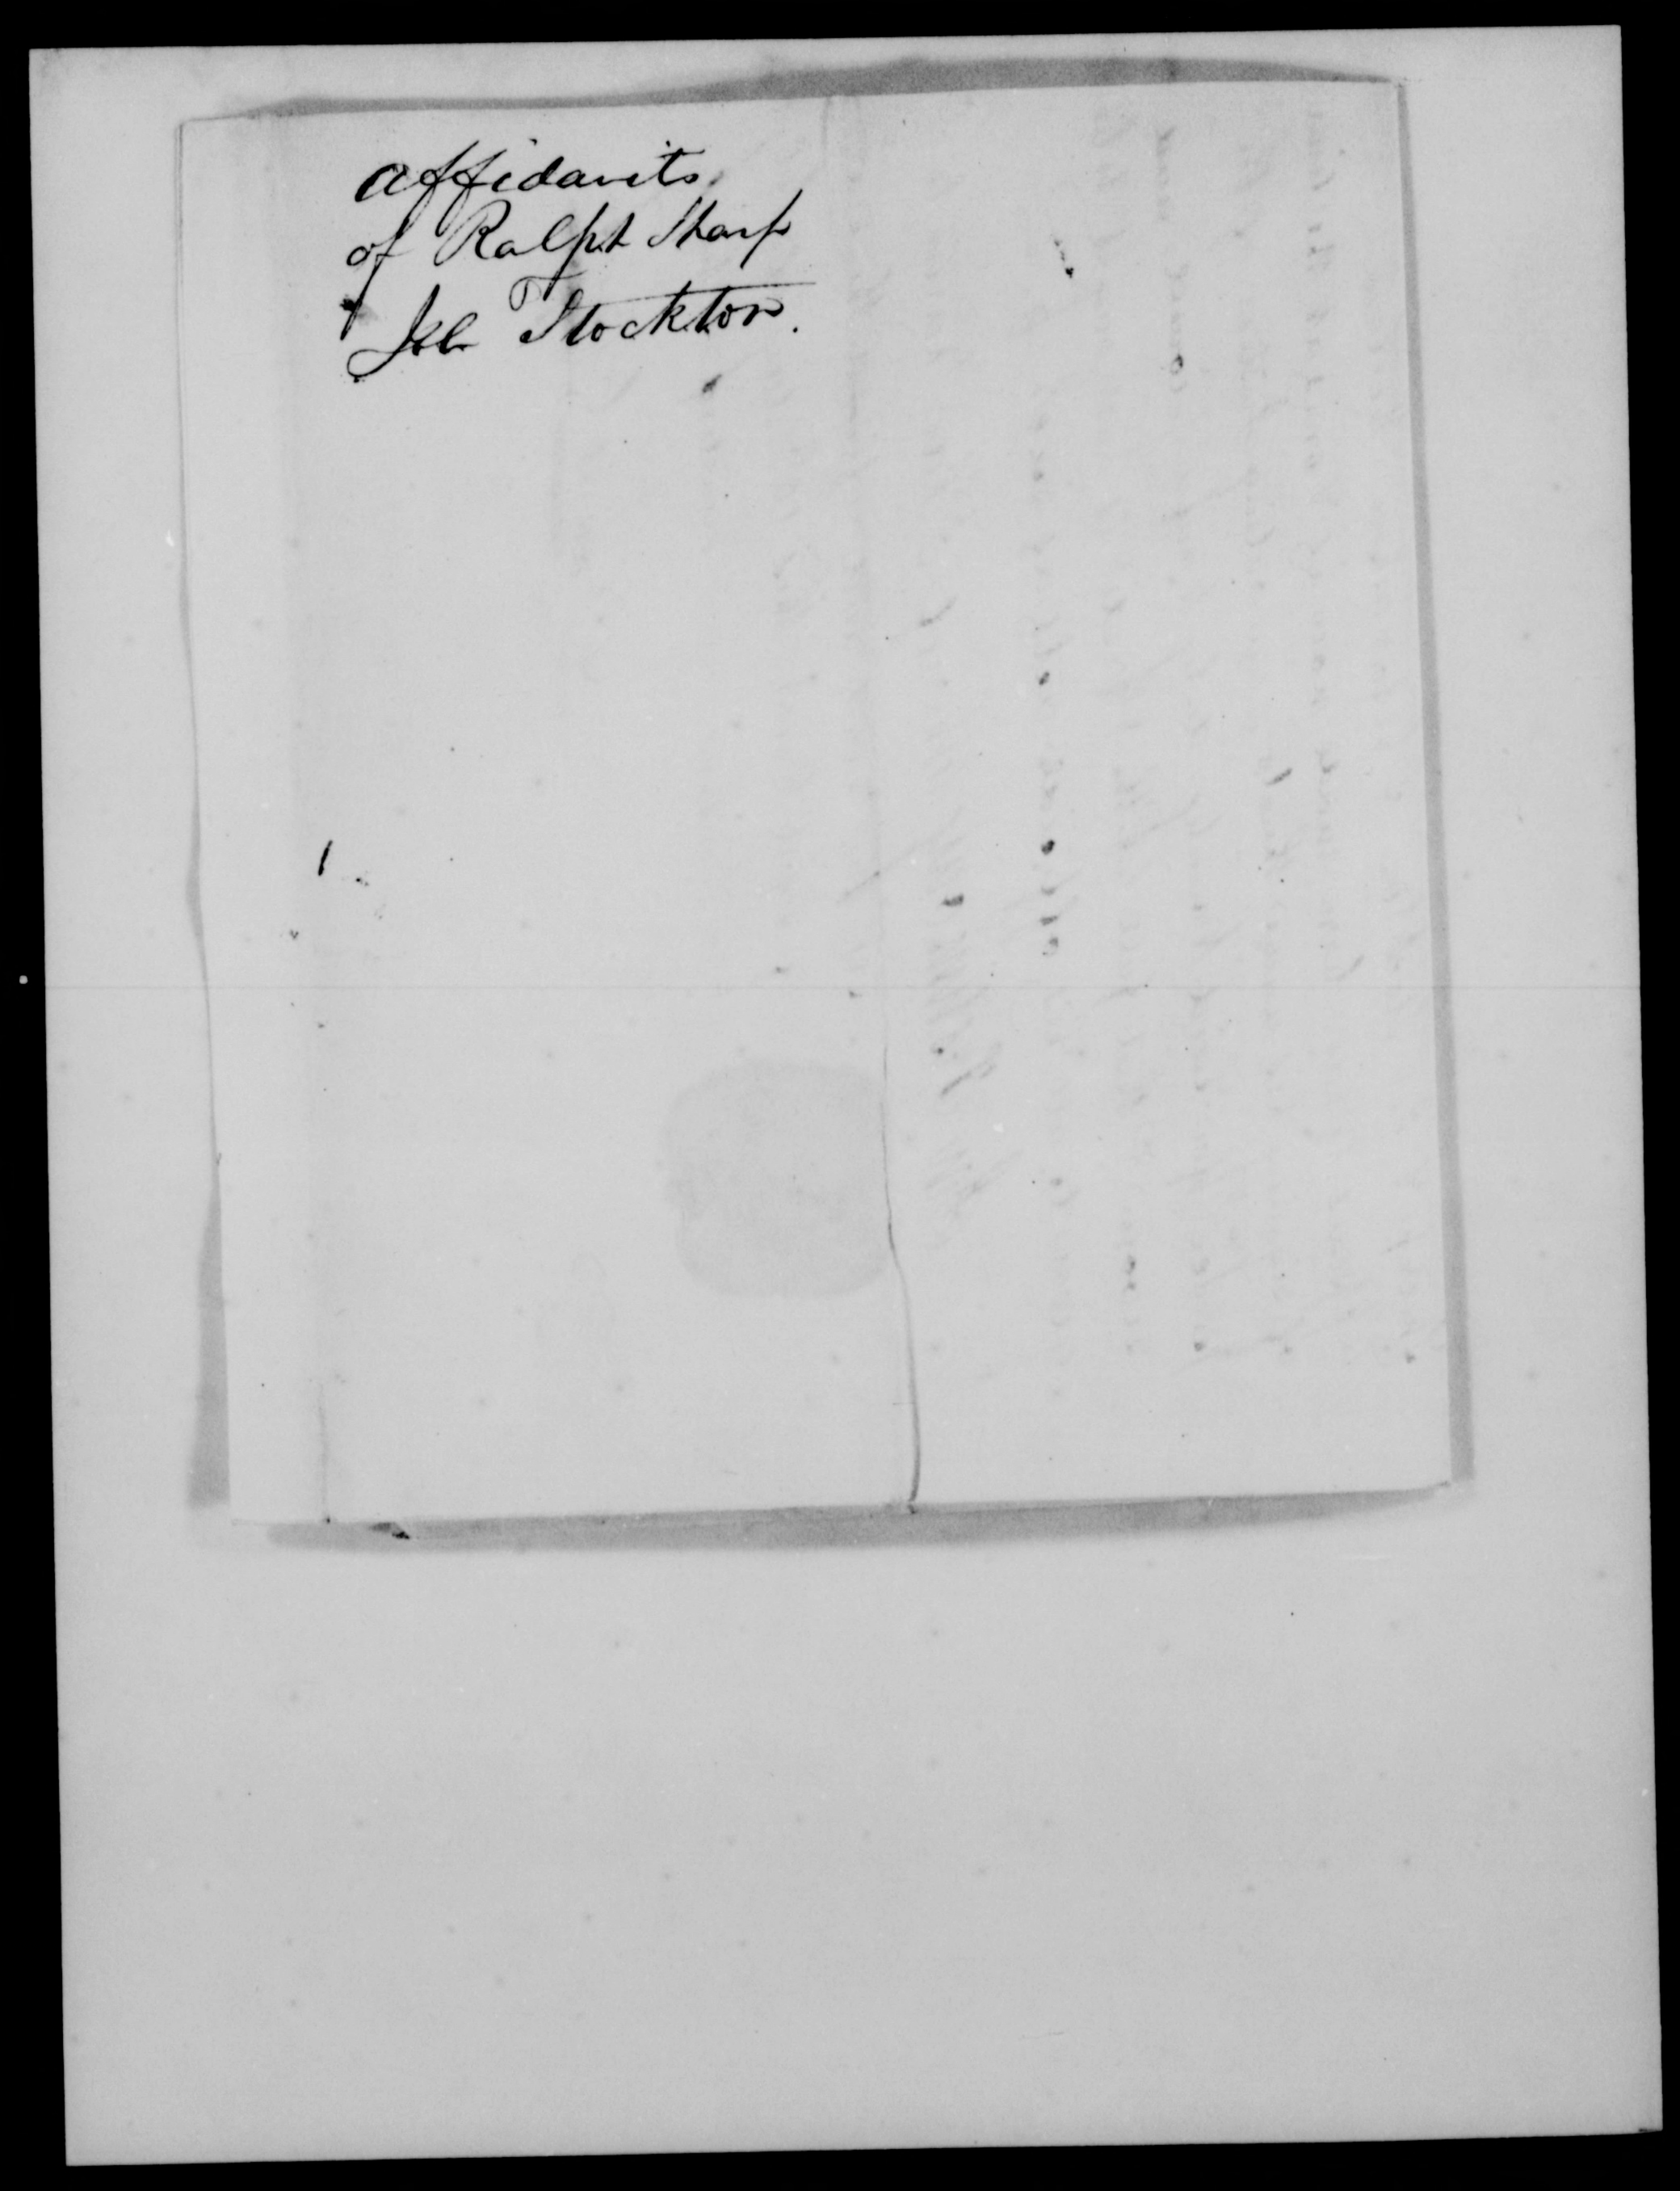Affidavits of Ralph Sharp & Job Stockton.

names: John Stockton; Ralph Sharp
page: 58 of 66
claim: survivor's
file: S 40458, for Obadiah Smith, New York